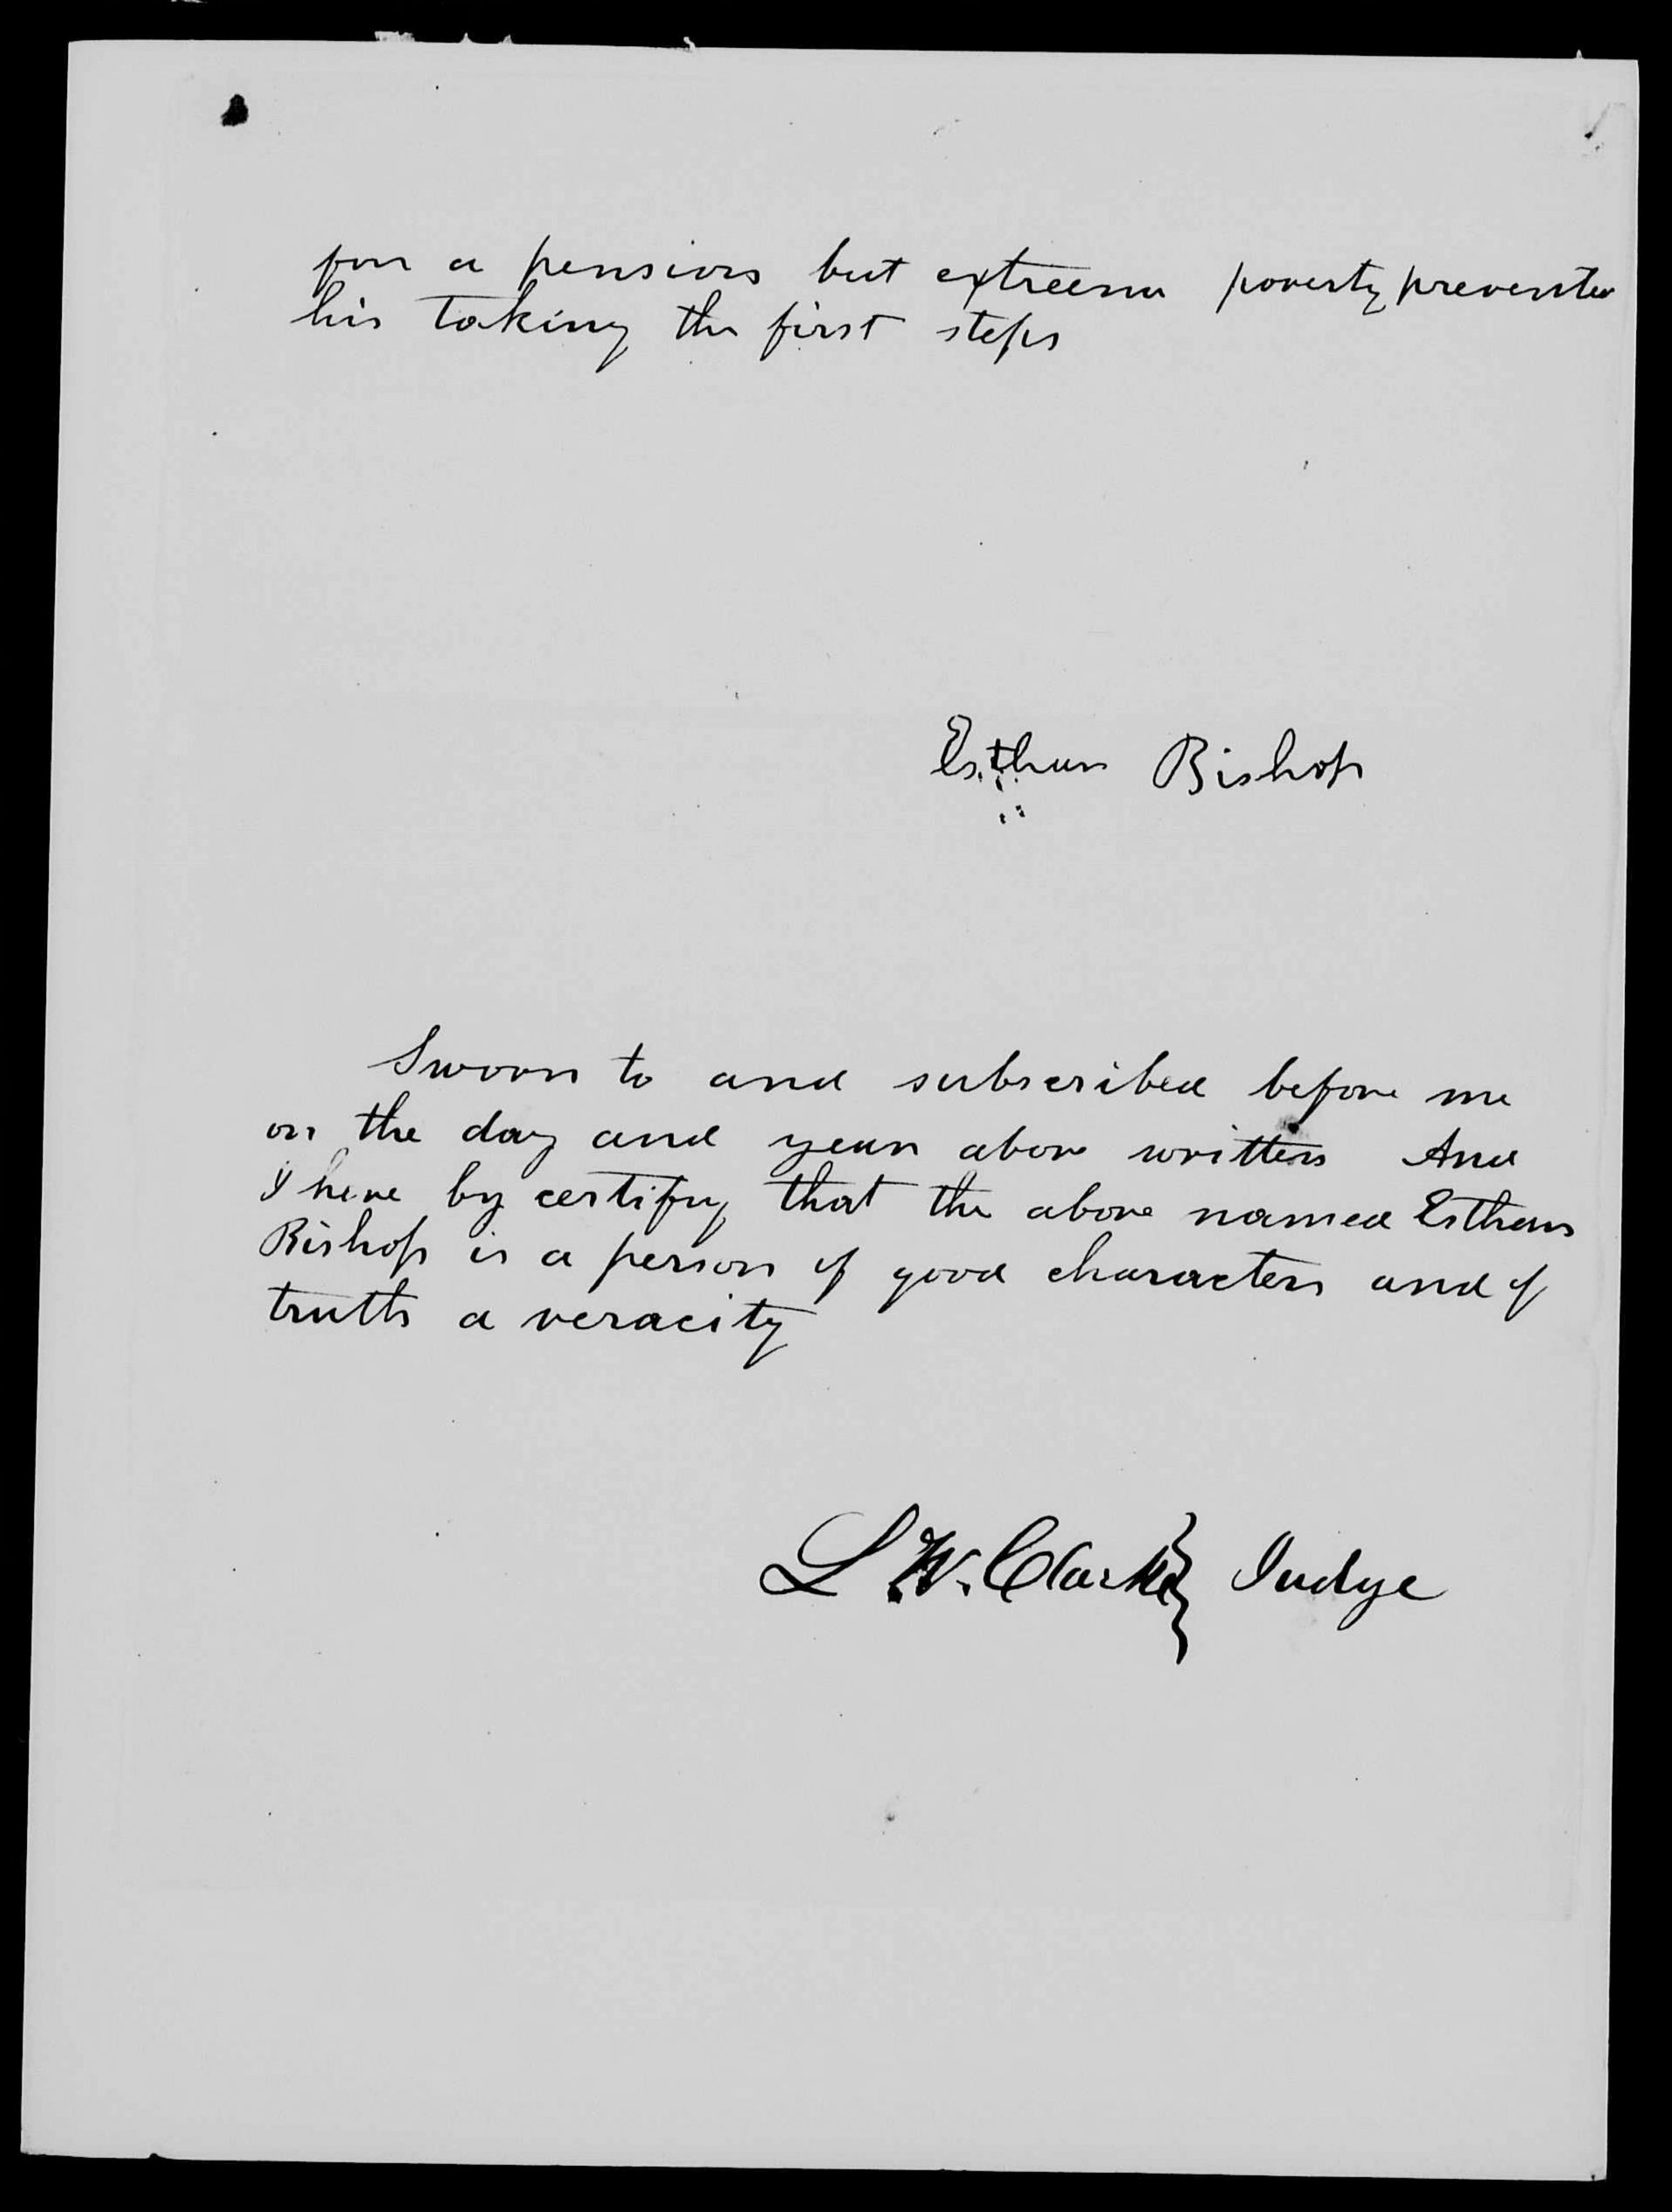Ethan Bishop
Sworn to and subscribed before me on the day and year above written And I hereby certify that the above named Ethan Bishop is a person of good character and of truth a veracity
L. W. Clark  Judge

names: L W Clarke, Esthar Bishop, Esthur Bishop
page: 7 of 27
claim: rejected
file: R. 865, Napthala Bishop, Vt.